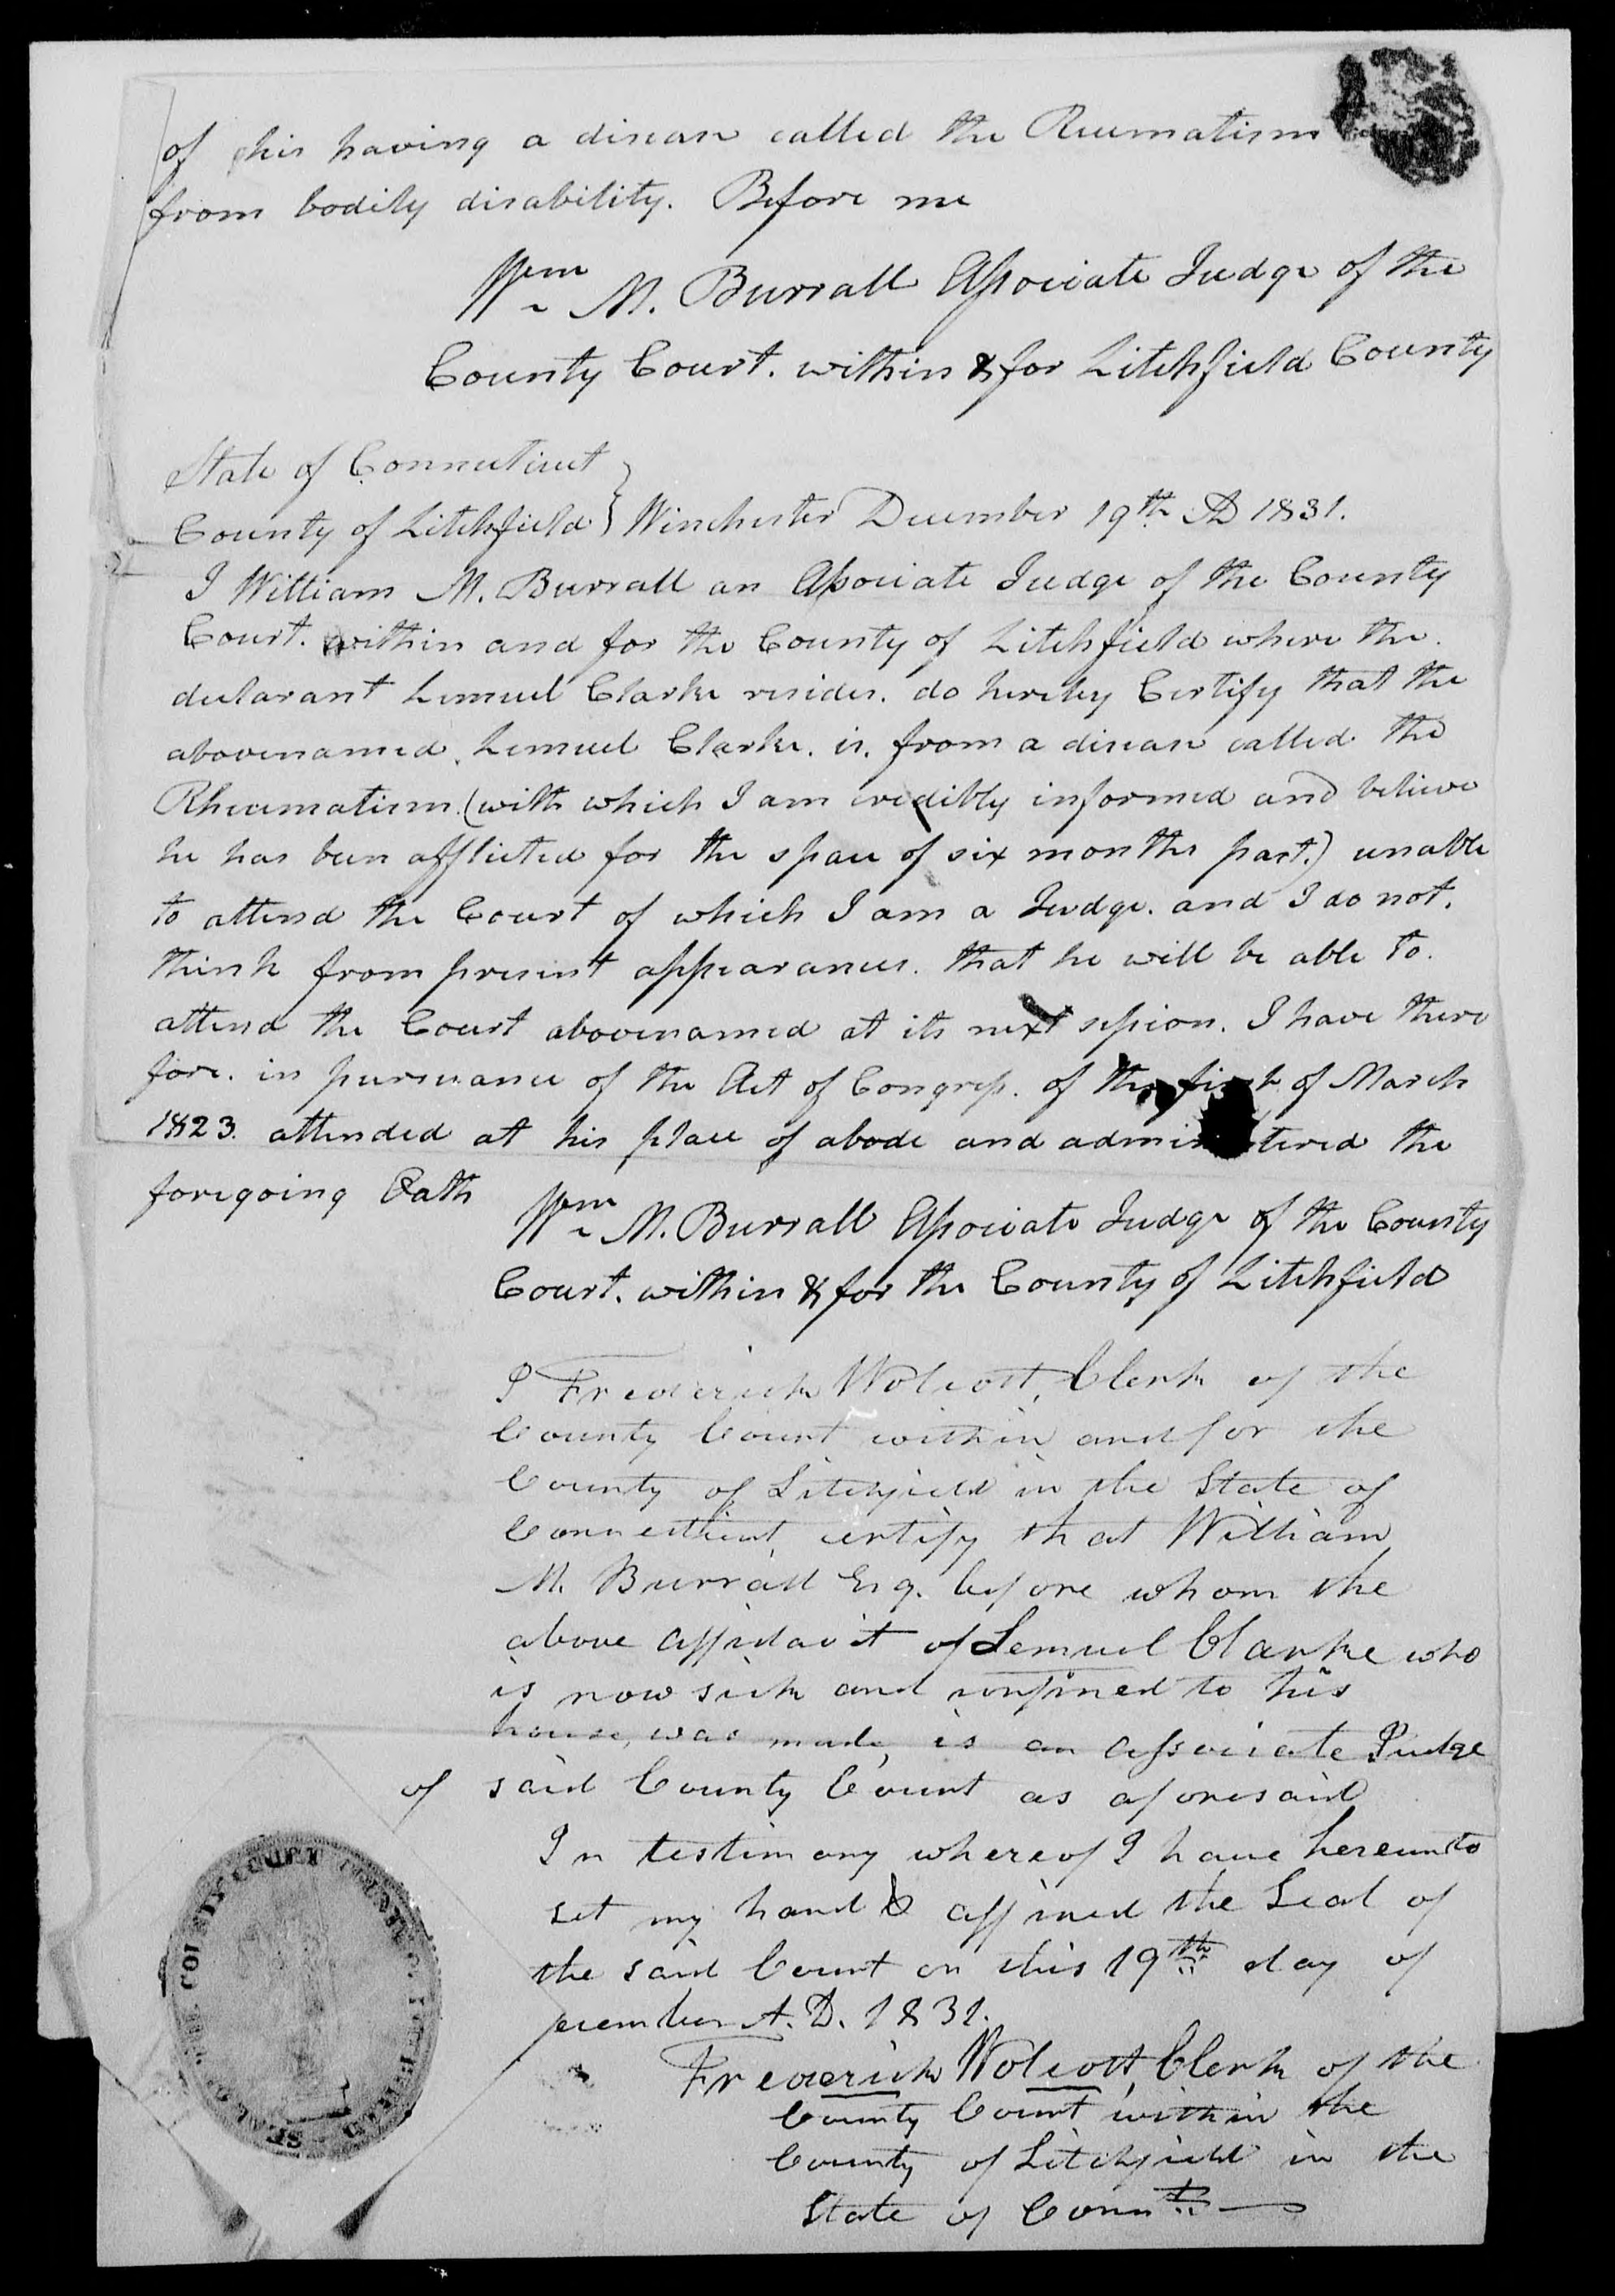of his having a disease called the Reumatism from bodily disability. Before me 
Wm. M. Burrall Associate Judge of the County Court within & for Litchfield County 

State of Connecticut County of Litchfield ⎬ Winchester December 19th AD 1831 

I William M. Burrall an Associate Judge of the County Court within and for the County of Litchfield where the declarant Lemuel Clark resides, do hereby certify that the above named Lemuel Clarke is from a disease called the Rheumatism (with which I am credibly informed and believe he has been afflicted for the space of six months part) unable to attend the Court of which I am a Judge, and I do not think from present appearances, that he will be able to attend the Court above named at its next session. I have therefore in pursuance of the Act of Congress of the first of March 1823. attended at his place of abode and administered the foregoing Oath
Wm M. Burrall Associate Judge of the County Court within & for the County of Litchfield 

I Frederick Wolcott, Clerk of the County Court within and for the County of Litchfield in the State of Connecticut, certify that William M. Burrall Esq. before whom the above affidavit of Samuel Clarke who is now sick and confined to his house, was made is an associate Judge of said County Court as aforesaid 

In testimony whereof I have hereunto 1 set my hand & affixed the Seal of the said Court on this 19th day of December A.D. 1831 
Frederick Wolcott Clerk of the County Court within the County of Litchfield in the State of Connt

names: Wm M Burrall, William M Burrall, Frederick Wolcott, Wm M Burrall, Lemuel Clarke, William M Burrall, Frederick Wolcott, Lemuel Clarke, Lemuel Clarke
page: 44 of 48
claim: survivor's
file: S. 17343, Lemuel Clarke, Mass.